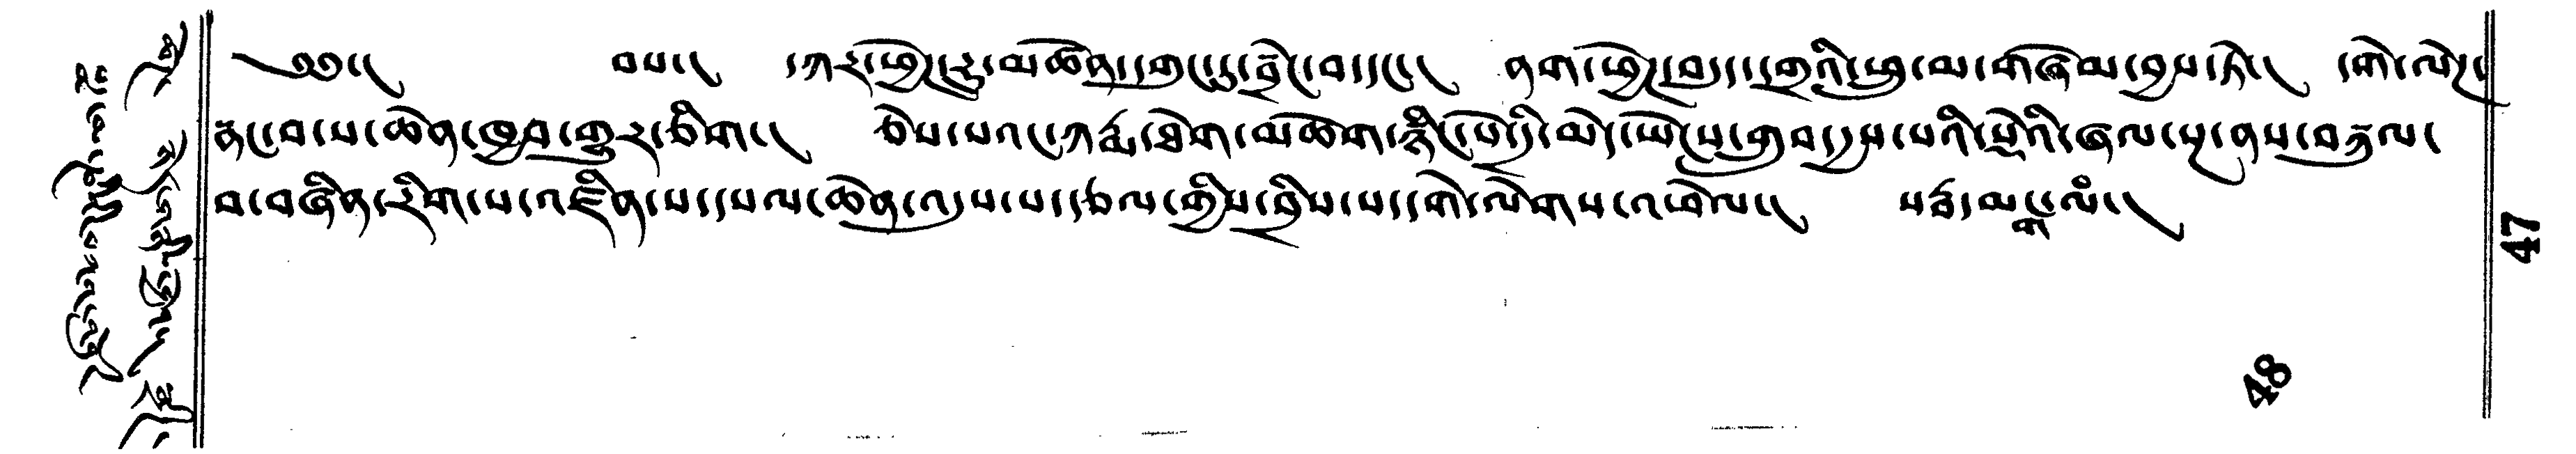བས། །དཀར་ཕྱོགས་རུ་མཚོན་དགུང་དུ་སྦྲེང་བ་དང་། །ནག་ཕྱོགས་བདུད་དགྲའི་ཕྲུ་མ་གཞོམ་བྱས་ཏེ། །དགེ་ལེགས་
སྣང་བས་ས་ཆེན་ཁྱབ་གྱུར་ཅིག །ཅེས་པའང་ཀརྨ་ཐེག་མཆོག་སྙིང་པོ་དྲི་མེད་ཡོངས་གྲུབ་རྒྱས་པའི་སྡེའི་ཞལ་སྔ་ནས་བསྐུལ་
བ་བཞིན་རིག་པ་འཛིན་པ་དཔལ་ཆེན་འདུས་པ་རྩལ་གྱིས་བྲིས་པ་དགེ་ལེགས་འཕེལ།། སརྦ་མངྒ་ལཾ།།